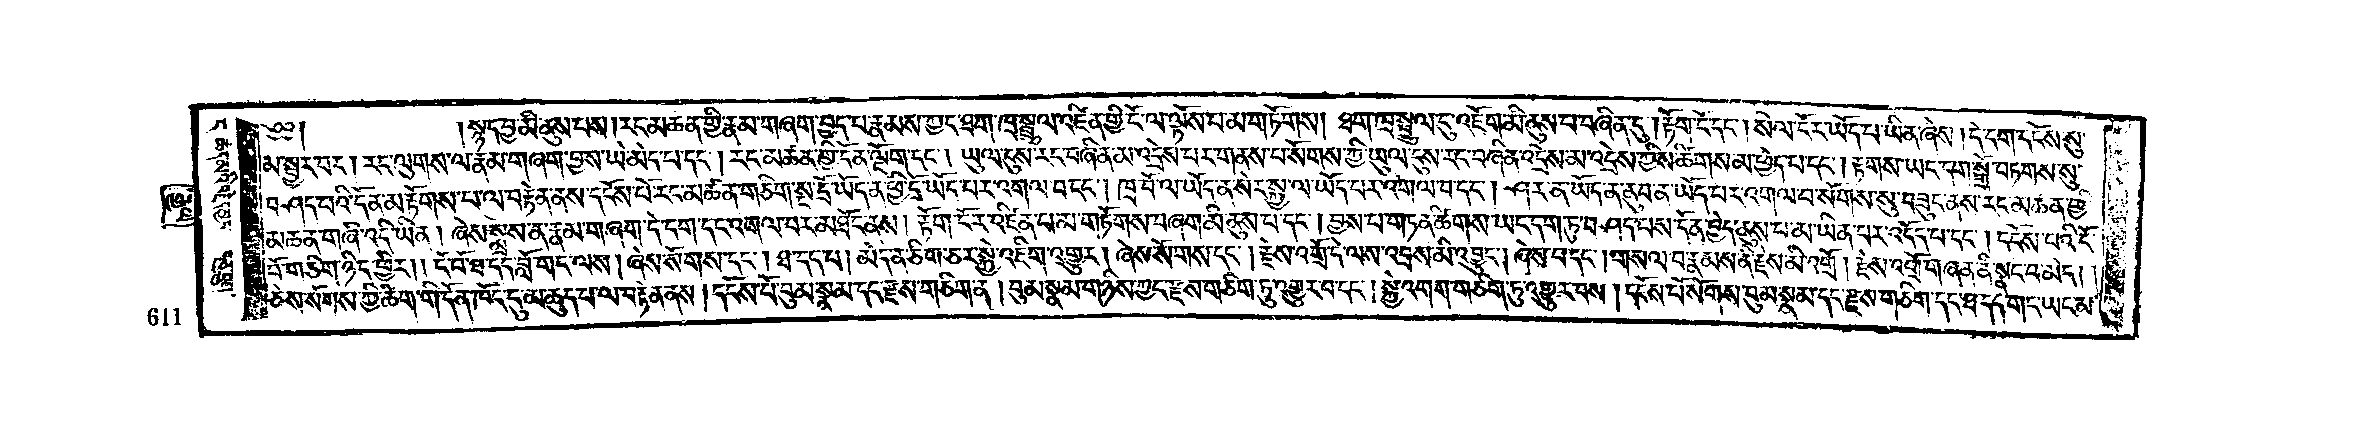༄༅། །སྙད་བྱ་མི་ནུས་པས། རང་མཚན་གྱི་རྣམ་གཞག་བྱད་པ་རྣམས་ཀྱང་ཐག་ཁྲ་སྦྲུལ་འཛིན་གྱི་ངོ་ལ་ལྟོས་པ་མ་གཏོགས། ཐག་ཁྲ་སྦྲུལ་དུ་འཇོག་མི་ནུས་པ་བཞིན་དུ། རྟོག་ངོ་དང་། སེལ་ངོར་ཡོད་པ་ཡིན་ཞེས། དེ་དག་དངོས་སུ་
མ་སྦྱར་བར། རང་ལུགས་ལ་རྣམ་གཞག་བྱས་ཡེ་མེད་པ་དང་། རང་མཚན་གྱི་དོན་ལྡོག་དང་། ཡུལ་དུས་རང་བཞིན་མ་འདྲེས་པར་གནས་པ་སོགས་ཀྱི་ཡུལ་དུས་རང་བཞིན་འདྲེས་མ་འདྲེས་ཀྱིས་ཚིགས་མ་ཕྱེད་པ་དང་། རྟགས་ཡང་དག་སྒྲོ་བཏགས་སུ་
བཤད་པའི་དོན་མ་རྟོགས་པ་ལ་བརྟེན་ནས་དངོས་པོ་རང་མཚན་གཅིག་སྔ་དྲོ་ཡོད་ན་ཕྱི་དྲོ་ཡོད་པར་འགལ་བ་དང་། ཁྲ་བོ་ལ་ཡོད་ན་སེར་སྐྱ་ལ་ཡོད་པར་འགལ་བ་དང་། ཤར་ན་ཡོད་ན་ནུབ་ན་ཡོད་པར་འགལ་བ་སོགས་སུ་བཟུང་ནས་རང་མཚན་གྱི་
མཚན་གཞི་འདི་ཡིན། ཞེས་སྨྲས་ན་རྣམ་གཞག་དེ་དག་དང་འགལ་བར་མཐོང་ནས། རྟོག་ངོར་འཛིན་པ་མ་གཏོགས་བཞག་མི་ནུས་པ་དང་། བྱས་པ་གཏན་ཚིགས་ཡང་དག་ཏུ་བཤད་པས་དོན་བྱེད་ནུས་པ་མ་ཡིན་པར་འདོད་པ་དང་། དངོས་པོའི་ངོ་
བོ་གཅིག་ཉིད་ཕྱིར། ངོ་བོ་ཐ་དད་བློ་གང་ལས། ཞེས་སོགས་དང་། ཐ་དད་ལ། མེད་ན་ཅིག་ཆར་སྐྱེ་འཇིག་འགྱུར། ཞེས་སོགས་དང་། རྗེས་འགྲོ་དེ་ལས་འབྲས་མི་འབྱུང་། ཞེས་པ་དང་། གསལ་བ་རྣམས་ནི་རྗེས་མི་འགྲོ། རྗེས་འགྲོ་གཞན་ནི་སྣང་བ་མེད། །
ཅེས་སོགས་ཀྱི་ཚིག་གི་དོན་ཁོང་དུ་མ་ཆུད་པ་ལ་བརྟེན་ནས། དངོས་པོ་བུམ་སྣམ་དང་རྫས་གཅིག་ན། བུམ་སྣམ་གཉིས་ཀྱང་རྫས་གཅིག་ཏུ་འགྱུར་བ་དང་། སྐྱེ་འགག་གཅིག་ཏུ་འགྱུར་བས། དངོས་པོ་སོགས་བུམ་སྣམ་དང་རྫས་གཅིག་དང་ཐ་དད་གང་ཡང་མ་